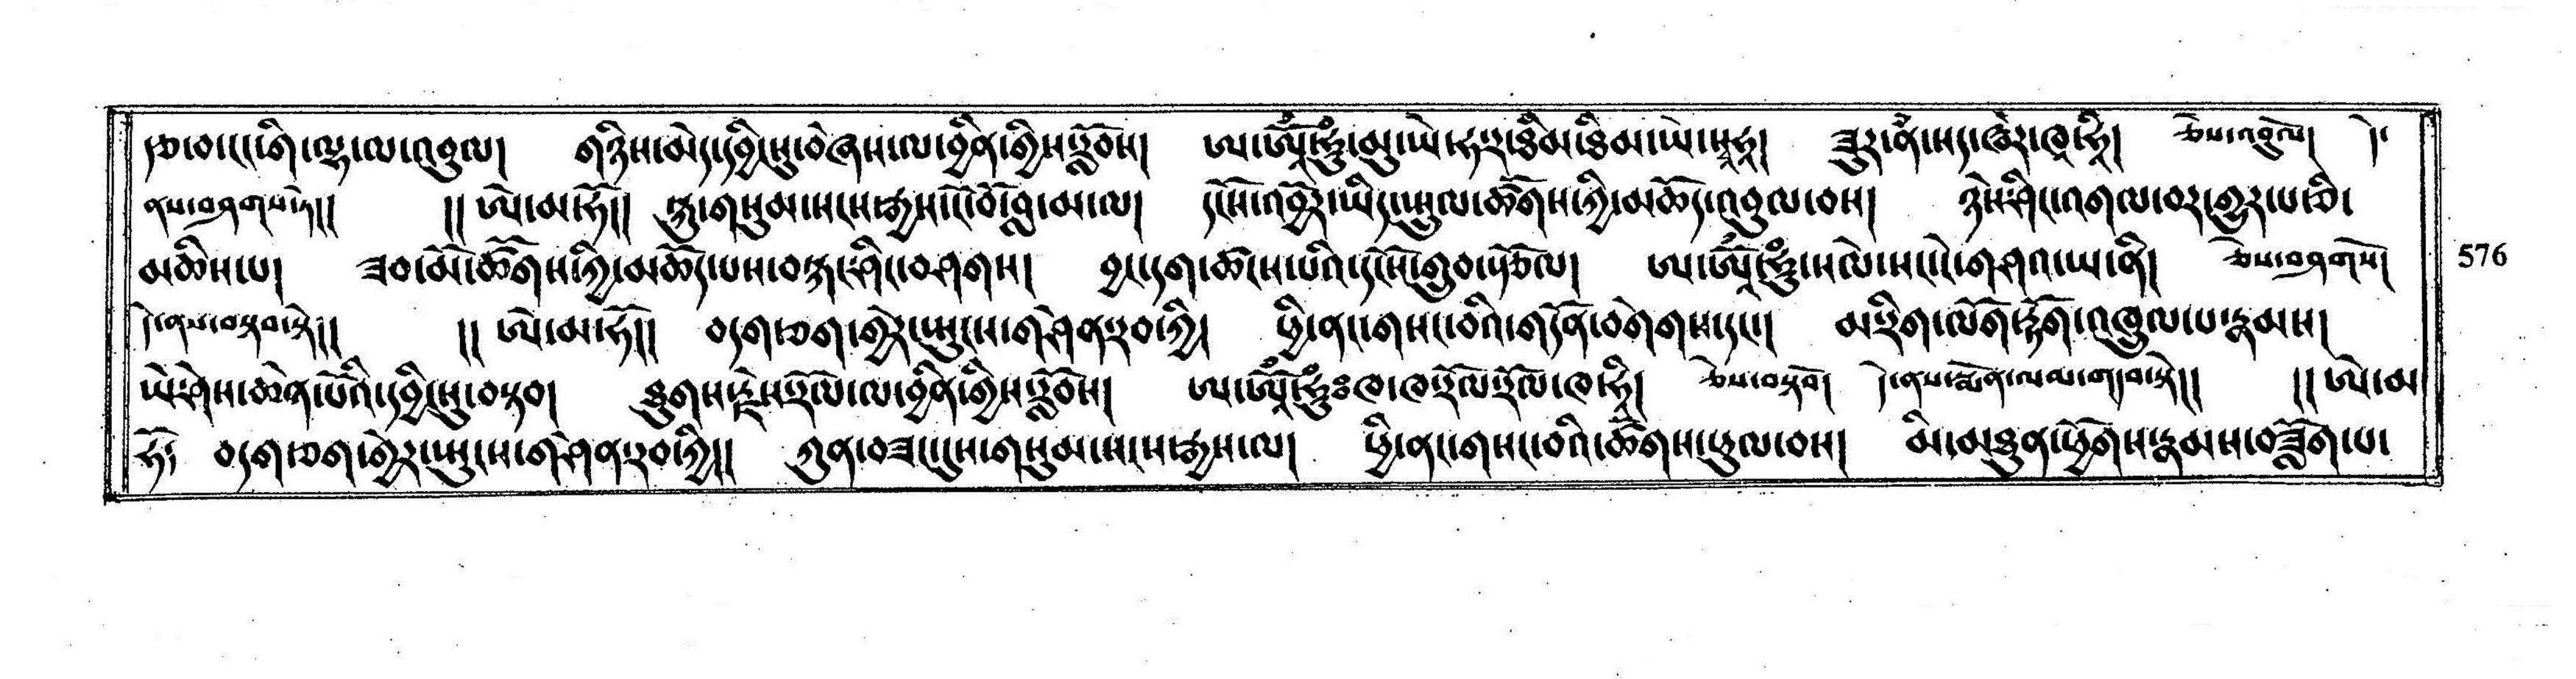རྩ་བ་ངང་གི་ལྷ་ལ་འབུལ། གཉིས་མེད་དབྱིངས་སུ་བཞེས་ལ་བྱིན་གྱིས་རློབས། ཨ་ཨཱོཾ་ཧཱུཾ་མུ་ཡེ་ཧ་ར་ཐིམ་ཐིམ་ཡེ་སྭཱཧཱ། ཟུར་ནམ་སད་ཝེར་ཁཱ་ཧཱི། ཅེས་འབུལ་ལོ།དེ་
ནས་བཤགས་ཏེ།། །།ཨེ་མ་ཧོ།། སྐུ་གསུམ་སངས་རྒྱས་ངོ་བོ་བླ་མ་ལ། དངོས་འབྱོར་ཡིད་སྤྲུལ་ཚོགས་ཀྱི་མཆོད་འབུལ་བས། ཉེས་ཤིང་འགལ་བར་གྱུར་པ་ཅི་
མཆིས་པ། ཟབ་མོ་ཚོགས་ཀྱི་མཆོད་པས་བསྐང་ཤིང་བཤགས། བྱང་དག་ཚངས་པའི་དངོས་གྲུབ་སྩོལ། ཨ་ཨཱོཾ་ཧཱུཾ་སལེ་སང་ངེ་གཤའ་ཡ་ནི། ཅེས་བཤགས་སོ།
དེ་ནས་བསྟབ་སྟེ།། །།ཨེ་མ་ཧོ།། བདག་ཅག་གྱེར་སྤུངས་གཤེན་རབ་ཀྱི། ཕྱི་ནང་གསང་བའི་གདོན་བགེགས་དང་། མ་རིག་ལོག་རྟོག་འཁྲུལ་པ་རྣམས། 
ཡེ་ཤེས་ཆེན་པོའི་དབྱིངས་སུ་བསྟབ། ཐུགས་རྗེས་རོལ་ལ་བྱིན་གྱིས་རློབས། ཨ་ཨཱོཾ་ཧཱུཾཿཁ་ཁ་རོལ་རོལ་ཁ་ཧཱི། ཅེས་བསྟབ་བོ། དེ་ནས་སྨོན་ལམ་གདབ་སྟེ།། །།ཨེ་མ་
ཧོ། བདག་ཅག་གྱེར་སྤུངས་གཤེན་རབ་ཀྱི།། ཀུན་བཟང་དུས་གསུམ་སངས་རྒྱས་ལ། ཕྱི་ནང་གསང་བའི་ཚོགས་ཕུལ་བས། མི་མཐུན་ཕྱོགས་རྣམས་བཟློག་པ་